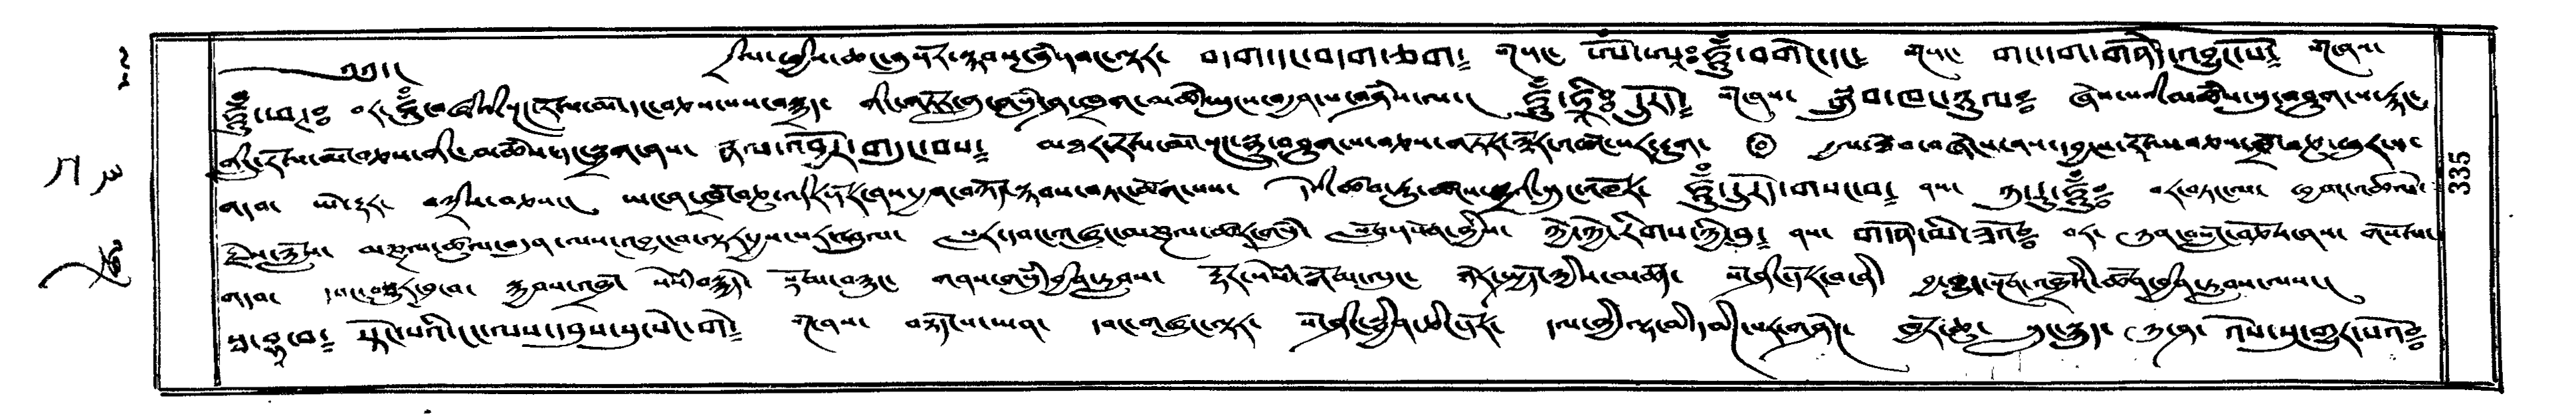དྲིལ་ཕྱིས་ཆང་བུ་དོར་སྟབས་བུམ་དབང་ལྟར། བདག་དང་བདག་ཅག༴ སོགས་དང་། ཨོཾ་ཨཱཿཧཱུྃ༔བགེགས་དང༴ སོགས་དང་། གང་དག་གནོད་བྱེད་འབྱུང་པོ༴ སོགས་ནས། 
ཧཱུྃ་ཕཊཿ བར་ཧཱུྃ་བཞིའི་སྔགས་རོལ་མོ་དང་བཅས་པས་བསྐྲད། གིང་གཏོར་གྲུ་གསུམ་ཤ་ཁྲག་མཚོ་ཡུངས་བརྒྱན་པ་བཤམས་ལ། ཧཱུྃ་ཧྲཱིཿ དུར་ཁྲོད༴ སོགས། སྒྲུབ་ཁང་ཉུལ༔ ཞེས་པའི་མཚམས་སུ་བཤུགས་པ་རྐང་
གླིང་རོལ་མོ་བཅས་གིང་མཆམས་དང་སྦྲགས་ནས། རྣལ་འབྱོར་གདུང་བས༴ མཐར་རོལ་མོ་སྔགས་སྒྲ་བཤུགས་པ་བཅས་གཏོར་ཟོར་འཕང་སར་རྒྱུགས། རྒྱལ་ཐེབ་བཞེངས་ནས་དབྱངས་རོལ་བཅས་ཁྲོ་བཅུ་ཕུར་པ་
གདབ། ཡེ་དྷར༴ བཀྲ་ཤིས་བཅས་ཡང་ན་ཁྲོ་བཅུ་འདིར་དོར་ནས་རྒྱན་བཀོད་སྐབས་གཏོང་ཆོག་པས། དེའི་ཚབ་ཏུ་ཚངས་སྒྲའི་སྲུང་འཁོར། ཧཱུྃ༔དུར་ཁྲོད་གསང་བ༴ ནས། ཀུ་རུ་ཧཱུྃ༔ བར་བཏང་ལ། ཕྱག་འཚལ་
རྗེས་ཟློས། མཎྜལ་ཚུལ་བདུན་ལས་འབྱུང་བ་ལྟར་རྒྱས་པར་འབུལ། སླར་དབང་གཞུང་མཎྜལ་ཚར་གསུམ། སློབ་དཔོན་གྱིས། ཀྱེ་ཀྱེ་རིགས་ཀྱི་བུ༴ ནས། གདོན་མི་ཟའོ༔ བར་ཀུན་སློང་བཅོས་ནས། གསོལ་
གདབ། དབང་བསྐུར་བྱ་བ། སྐྱབས་འགྲོ། སེམས་སྐྱེད། སྡོམ་གཟུང་། གནས་གསུམ་བྱིན་རླབས། རྡོར་སེམས་སྒོམ་ལུང་། ཉེར་སྤྱོད་ཀྱིས་མཆོད། སོ་ཤིང་དོར་བ་ནི། བྱ་ཁྱུང་སྔོན་འགྲོའི་ཚོན་བྱིན་རླབས་ལས། 
སྭ་བྷཱ་བ༴ སྟོང་པའི་ངང་ལས་དབུས་སུ་སེང་གེ༴ སོགས་ནས་བསྟོད་པ་ཡན། དབང་གཞུང་ལྟར་སོ་ཤིང་སྦྱིན་ཅིང་དོར།དལ་གྱི་ལྷ་མི་དམིགས་པར་གཤེགས། ཁྱོར་ཆུ། སྲུང་སྐུད། ཀུ་ཤ འོས་སུ་གྱུར་པའོ༔